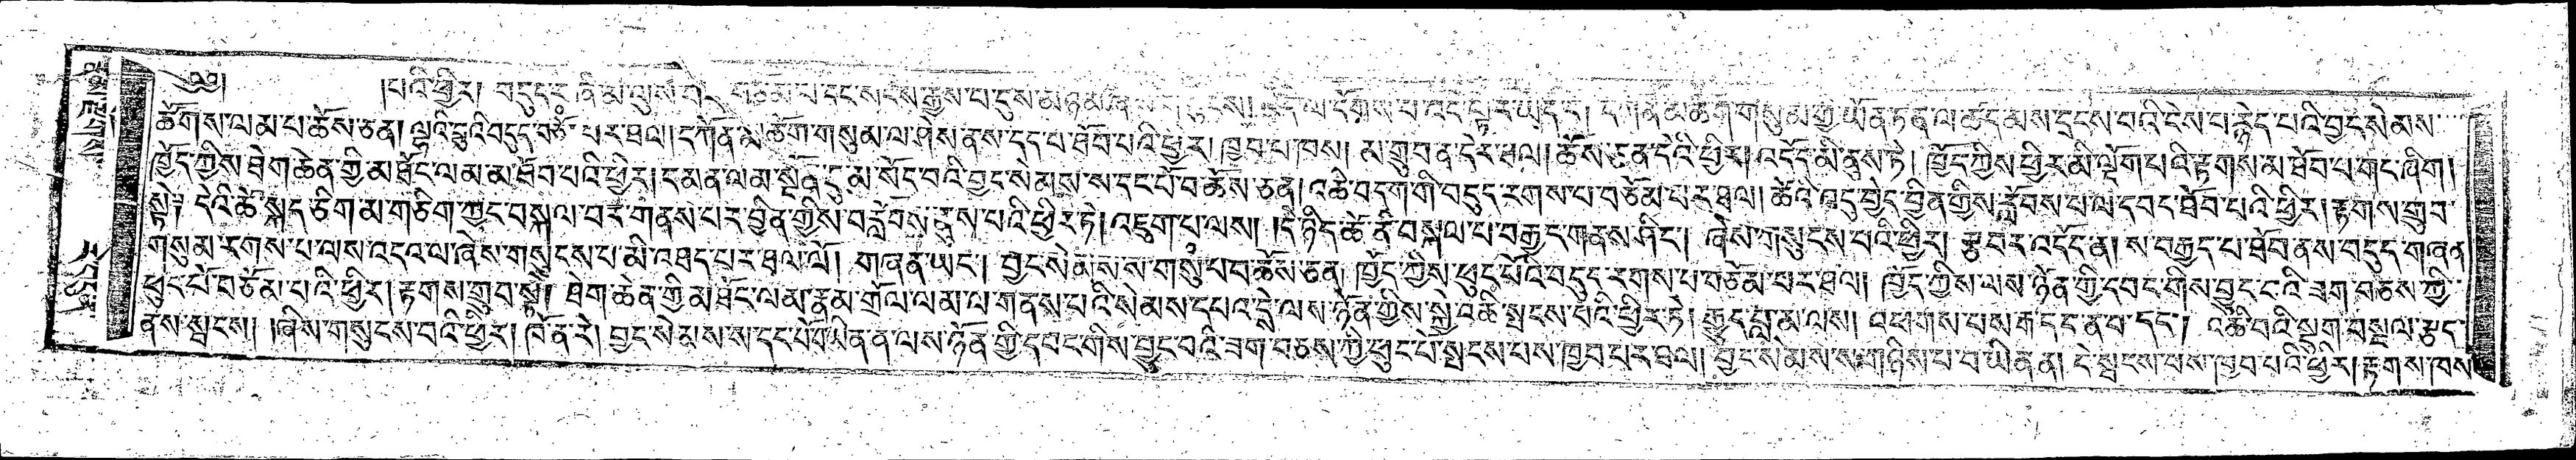༄༅། །པའི་ཕྱིར། བདུད་བཞི་མ་ལུས་པར་བཅོམ་པ་དང་སངས་རྒྱས་པ་དུས་མཉམ་ཞེས་གསུངས། འདི་ལ་དོགས་པ་འདི་ལྟར་ཡོད་དེ། དཀོན་མཆོག་གསུམ་གྱི་ཡོན་ཏན་ལ་ཚད་མས་དྲངས་པའི་ངེས་པ་རྙེད་པའི་བྱང་སེམས་
ཚོགས་ལམ་པ་ཆོས་ཅན། ལྷའི་བུའི་བདུད་བཅོམ་པར་ཐལ། དཀོན་མཆོག་གསུམ་ལ་ཤེས་ནས་དད་པ་ཐོབ་པའི་ཕྱིར། ཁྱབ་པ་ཁས། མ་གྲུབ་ན་དེར་ཐལ། ཆོས་ཅན་དེའི་ཕྱིར། འདོད་མི་ནུས་ཏེ། ཁྱོད་ཀྱིས་ཕྱིར་མི་ལྡོག་པའི་རྟགས་མ་ཐོབ་པ་གང་ཞིག །
ཁྱོད་ཀྱིས་ཐེག་ཆེན་གྱི་མཐོང་ལམ་མ་ཐོབ་པའི་ཕྱིར། དམན་ལམ་སྔོན་དུ་མ་སོང་བའི་བྱང་སེམས་ས་དང་པོ་བ་ཆོས་ཅན། འཆི་བདག་གི་བདུད་རགས་པ་བཅོམ་པར་ཐལ། ཚེའི་འདུ་བྱེད་བྱིན་གྱིས་རློབས་པ་ལ་དབང་ཐོབ་པའི་ཕྱིར། རྟགས་གྲུབ་
སྟེ༑ དེའི་ཚེ་སྐད་ཅིག་མ་གཅིག་ཀྱང་བསྐལ་བར་གནས་པར་བྱིན་གྱིས་རློབ་ནུས་པའི་ཕྱིར་ཏེ། འཇུག་པ་ལས། །དེ་ཉིད་ཚེ་ནི་བསྐལ་པ་བརྒྱ་གནས་ཤིང་། ཞེས་གསུངས་པའི་ཕྱིར། རྩ་བར་འདོད་ན། ས་བརྒྱད་པ་ཐོབ་ནས་བདུད་གཞན་
གསུམ་རགས་པ་ལས་འདའ་ལ་ཞེས་གསུངས་པ་མི་འཐད་པར་ཐལ་ལོ། གཞན་ཡང་། བྱང་སེམས་ས་གསུམ་པ་བ་ཆོས་ཅན། ཁྱོད་ཀྱིས་ཕུང་པོའི་བདུད་རགས་པ་བཅོམ་པར་ཐལ། ཁྱོད་ཀྱིས་ལས་ཉོན་གྱི་དབང་གིས་བྱུང་བའི་ཟག་བཅས་ཀྱི་
ཕུང་པོ་བཅོམ་པའི་ཕྱིར། རྟགས་གྲུབ་སྟེ། ཐེག་ཆེན་གྱི་མཐོང་ལམ་རྣམ་གྲོལ་ལམ་ལ་གནས་པའི་སེམས་དཔའ་དེས་ལས་ཉོན་གྱིས་སྐྱེ་འཆི་སྤངས་པའི་ཕྱིར་ཏེ། རྒྱུད་བླ་མ་ལས། འཕགས་པས་རྒ་དང་ན་བ་དང་། འཆི་བའི་སྡུག་བསྔལ་རྩད་
ནས་སྤངས། །ཞེས་གསུངས་པའི་ཕྱིར། ཁོ་ན་རེ། བྱང་སེམས་ས་དང་པོ་བ་ཡིན་ན་ལས་ཉོན་གྱི་དབང་གིས་བྱུང་བའི་ཟག་བཅས་ཀྱི་ཕུང་པོ་སྤངས་པས་ཁྱབ་པར་ཐལ། བྱང་སེམས་ས་གཉིས་པ་བ་ཡིན་ན། དེ་སྤངས་པས་ཁྱབ་པའི་ཕྱིར། རྟགས་ཁས་